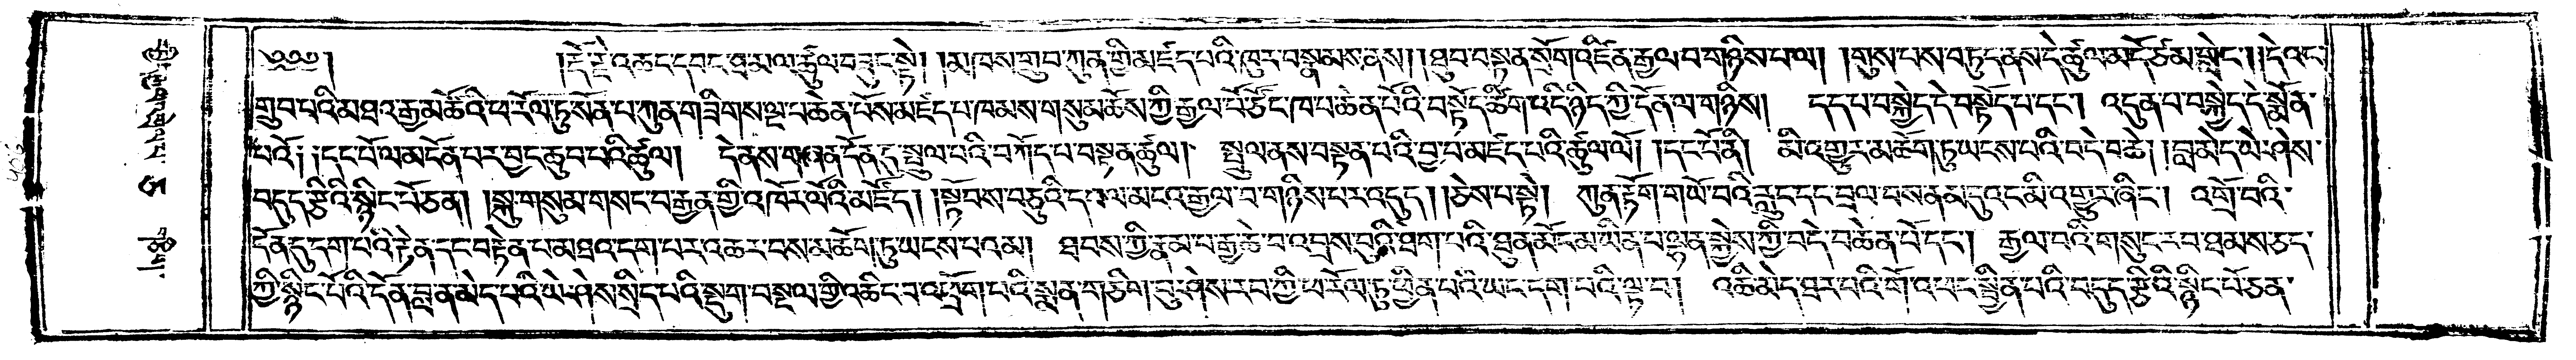༄༅། །རྡོ་རྗེ་འཆང་དབང་ཐ་མལ་ཚུལ་བཟུང་སྟེ། །མཁས་གྲུབ་ཀུན་གྱི་མཛད་པའི་ཁུར་བསྣམས་ནས། །ཐུབ་བསྟན་སྲོག་འཛིན་རྒྱལ་བ་གཉིས་པ་ལ། །གུས་པས་བཏུད་ནས་དེ་ཚུལ་མདོ་ཙམ་གླེང་། །དེའང་
གྲུབ་བའི་མཐའ་རྒྱ་མཚོའི་ཕ་རོལ་ཏུ་སོན་པ་ཀུན་གཟིགས་ལྔ་པ་ཆེན་པོས་མཛད་པ་ཁམས་གསུམ་ཆོས་ཀྱི་རྒྱལ་པོ་ཙོང་ཁ་པ་ཆེན་པོའི་བསྟོད་ཚིག་འདི་ཉིད་ཀྱི་དོན་ལ་གཉིས། དད་པ་བསྐྱེད་དེ་བསྟོད་པ་དང་། འདུན་པ་བསྐྱེད་དེ་སྨོན་
པའོ༑ ༑དང་པོ་ལ་མངོན་པར་བྱང་ཆུབ་པའི་ཚུལ། དེ་ནས་གཞན་དོན་དུ་སྤྲུལ་བའི་བཀོད་པ་བསྟན་ཚུལ། སྤྲུལ་ནས་བསྟན་པའི་བྱ་བ་མཛད་པའི་ཚུལ་ལོ། །དང་པོ་ནི། མི་འགྱུར་མཆོག་ཏུ་ཡངས་པའི་བདེ་བ་ཆེ། །བླ་མེད་ཡེ་ཤེས་
བདུད་རྩིའི་སྙིང་པོ་ཅན། །སྐུ་གསུམ་གསང་བརྒྱན་གྱི་འཁོར་ལོའི་མཛོད། །སྟོབས་བཅུའི་དཔལ་མངའ་རྒྱལ་བ་གཉིས་པར་འདུད། །ཅེས་པ་སྟེ། ཀུན་རྟོག་གཡོ་བའི་རླུང་དང་བྲལ་བས་ནམ་དུའང་མི་འགྱུར་ཞིང་། འགྲོ་བའི་
དོན་དུ་དག་པའི་རྟེན་དང་བརྟེན་པ་མཐའ་དག་པར་འཆར་བས་མཆོག་ཏུ་ཡངས་པའམ། ཐབས་ཀྱི་རྣམ་བ་རྒྱ་ཆེ་བ་འབྲས་བུའི་ཐེག་པའི་ཐུན་མོང་མ་ཡིན་པ་ལྷན་སྐྱེས་ཀྱི་བདེ་བ་ཆེན་པོ་དང་། རྒྱལ་བའི་གསུང་རབ་ཐམས་ཅད་
ཀྱི་སྙིང་པོའི་དོན་བླ་ན་མེད་པའི་ཡེ་ཤེས་སྲིད་པའི་སྡུག་བསྔལ་གྱི་འཆིང་བ་འཕྲོག་པའི་སྨན་གཅིག་པུ་ཤེས་རབ་ཀྱི་ཕ་རོལ་ཏུ་ཕྱིན་པའི་ཡང་དག་པའི་ལྟ་བ། འཆི་མེད་ཐར་བའི་གོ་འཕང་སྦྱིན་པའི་བདུད་རྩིའི་སྙིང་པོ་ཅན་